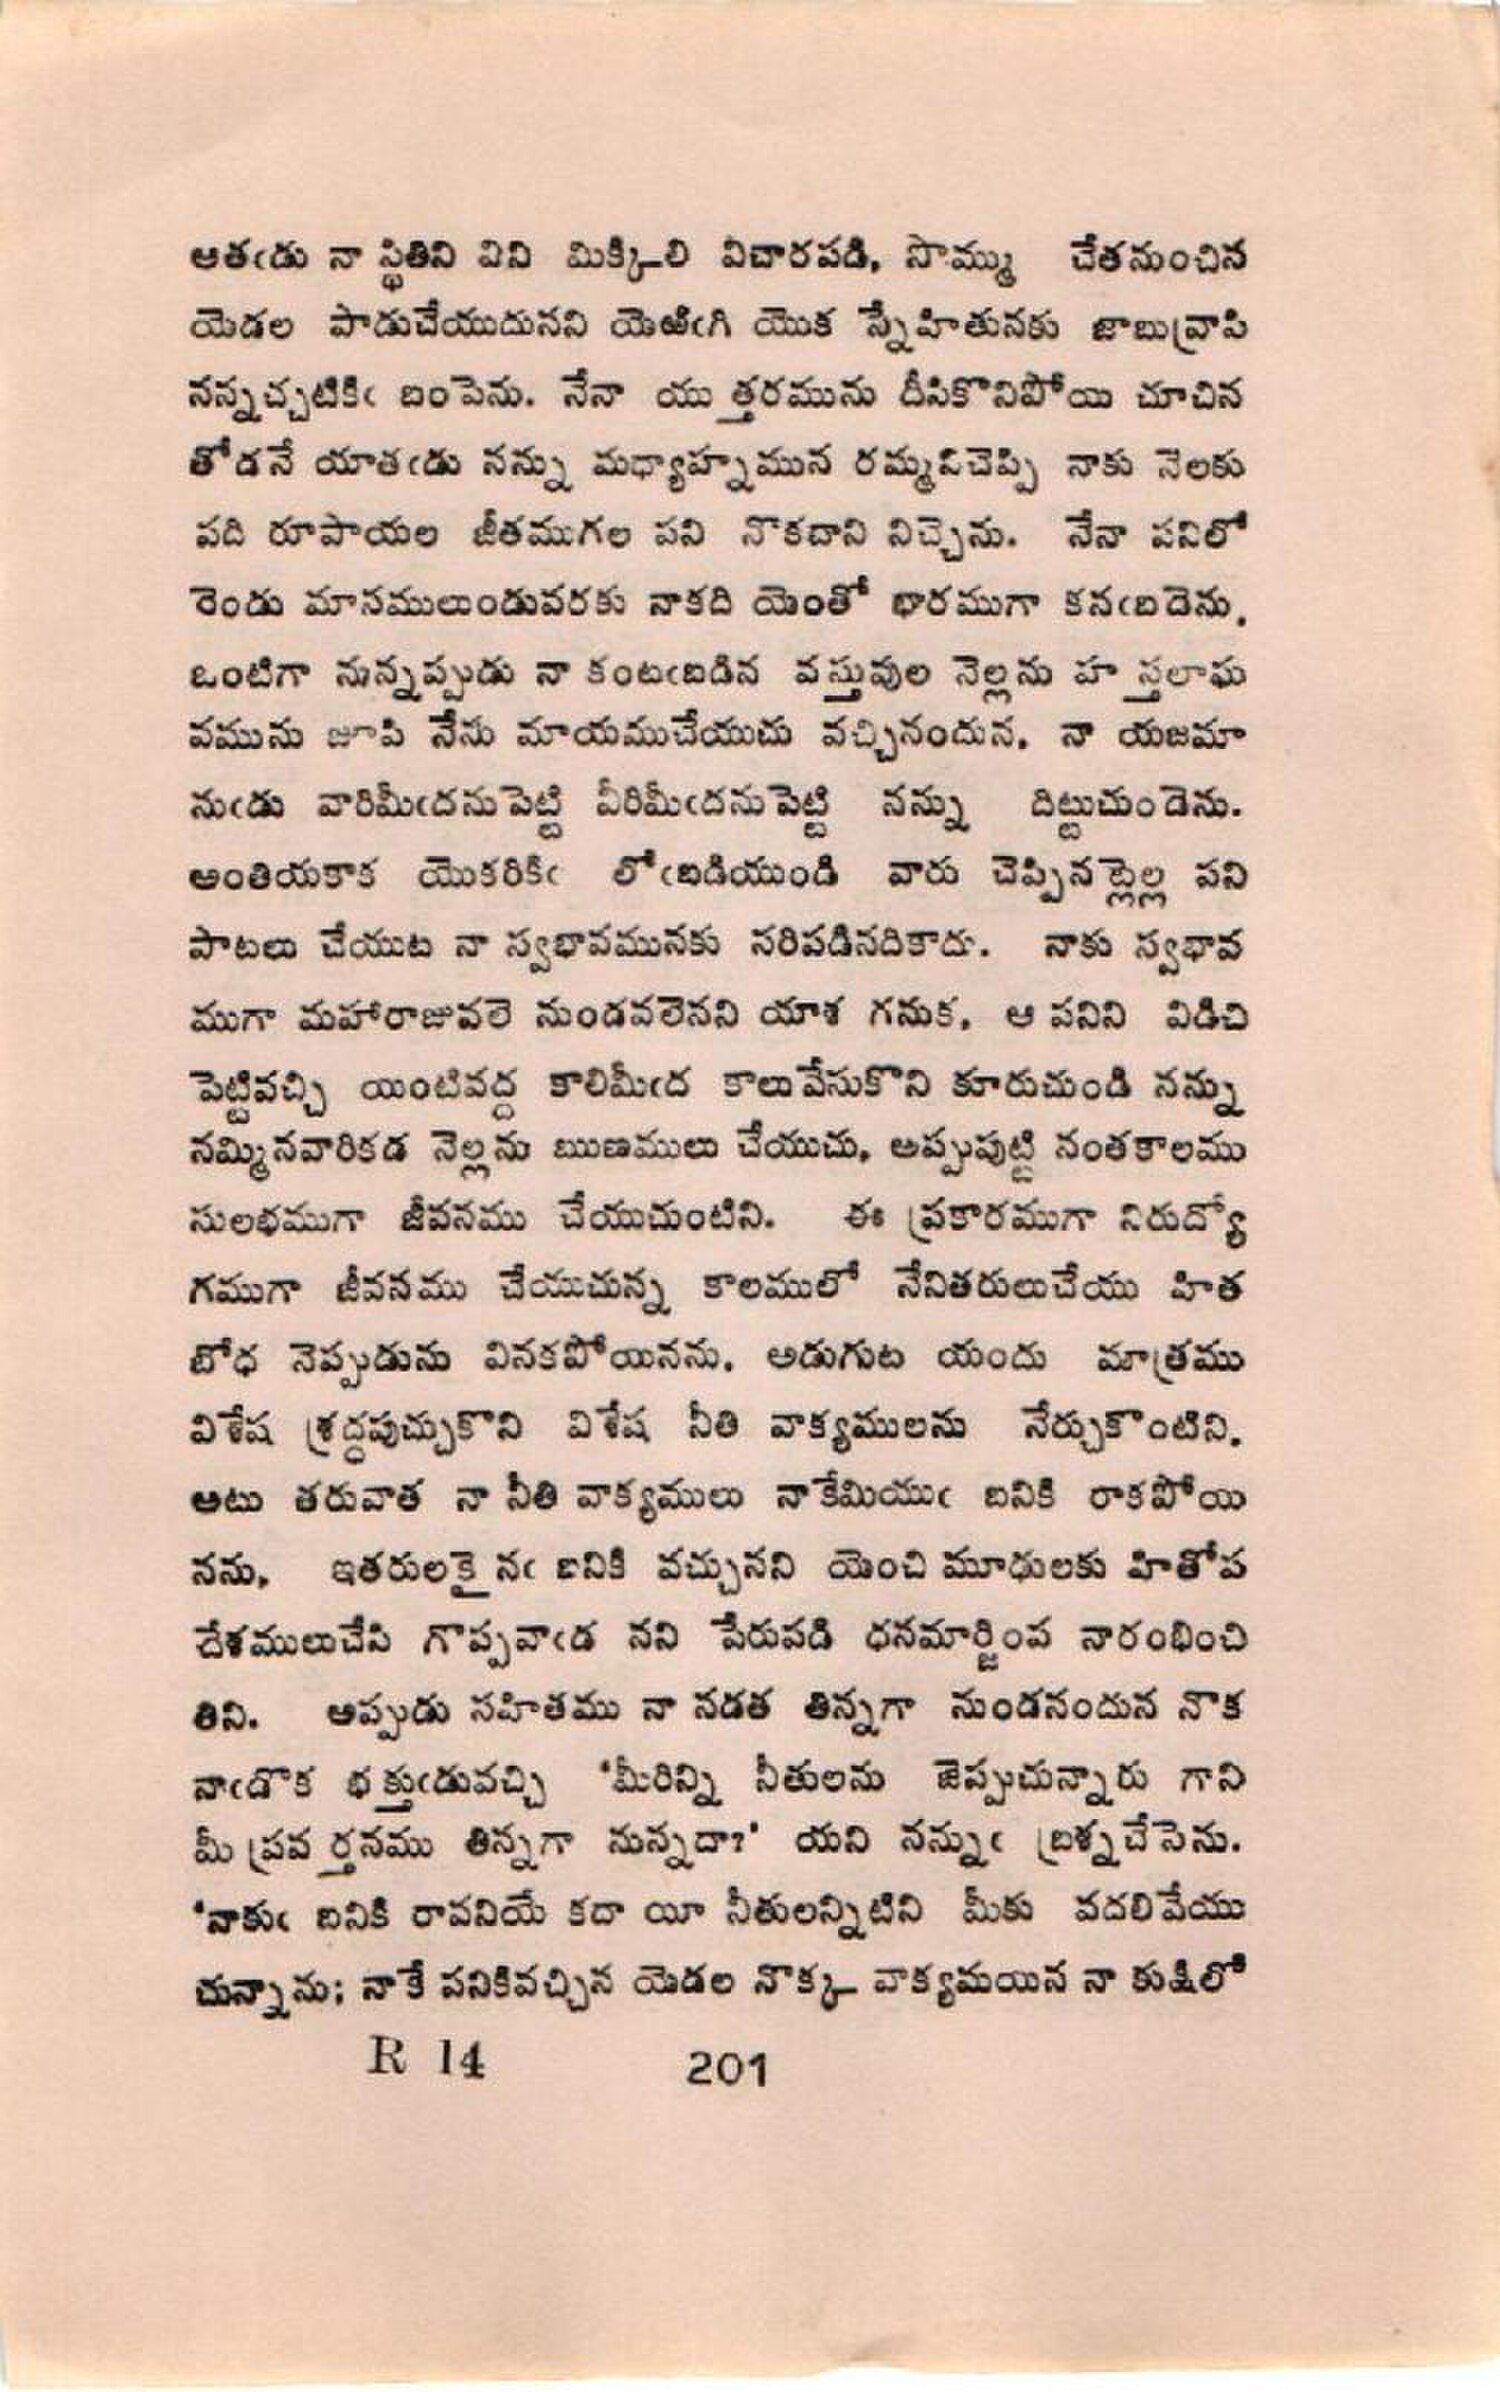ఆతఁడు నా స్థితిని విని మిక్కిలి విచారపడి, సొమ్ము చేతనుంచిన యెడల పాడుచేయుదునని యెఱిగి యొక స్నేహితునకు జాబువ్రాసి నన్నచ్చటికిఁ బంపెను. నేనా యుత్తరమును దీసికొనిపోయి చూచిన తోడనే యాతఁడు నన్ను మధ్యాహ్నమున రమ్మనిచెప్పి నాకు నెలకు పది రూపాయల జీతముగల పని నొకదాని నిచ్చెను. నేనా పనిలో రెండు మాసములుండువరకు నాకది యెంతో భారముగా కనబడెను. ఒంటిగా నున్నప్పుడు నా కంటఁబడిన వస్తువుల నెల్లను హస్తలాఘవమును జూపి నేను మాయముచేయుచు వచ్చినందున, నా యజమానుఁడు వారిమీఁదను పెట్టి వీరిమీదను పెట్టి నన్ను దిట్టుచుండెను. అంతియకాక యొకరికిఁ లోఁబడియుండి వారు చెప్పినట్లెల్ల పని పాటలు చేయుట నా స్వభావమునకు సరిపడినదికాదు. నాకు స్వభావముగా మహారాజు వలె నుండవలెనని యాశ గనుక, ఆ పనిని విడిచి పెట్టివచ్చి యింటివద్ద కాలిమీఁద కాలువేసుకొని కూరుచుండి నన్ను నమ్మినవారికడ నెల్లను ఋణములు చేయుచు, అప్పుపుట్టి నంతకాలము సులభముగా జీవనము చేయుచుంటిని. ఈ ప్రకారముగా నిరుద్యోగముగా జీవనము చేయుచున్న కాలములో నేనితరులుచేయు హిత బోధ నెప్పుడును వినకపోయినను, అడుగుట యందు మాత్రము విశేష శ్రద్దపుచ్చుకొని విశేష నీతి వాక్యములను నేర్చుకొంటిని. అటు తరువాత నా నీతి వాక్యములు నాకేమియుఁ బనికి రాకపోయి నను, ఇతరులకైనఁ బనికి వచ్చునని యెంచి మూఢులకు హితోపదేశములుచేసి గొప్పవాఁడ నని పేరుపడి ధనమార్జింప నారంభించితిని. అప్పుడు సహితము నా నడత తిన్నగా నుండనందున నొక నాఁడొక భక్తుఁడువచ్చి 'మీరిన్ని నీతులను జెప్పుచున్నారు గాని మీ ప్రవర్తనము తిన్నగా నున్నదా?' యని నన్ను బ్రశ్నచేసెను. 'నాకుఁ బనికి రావనియే కదా యీ నీతులన్నిటిని మీకు వదలివేయు చున్నాను; నాకే పనికివచ్చిన యెడల నొక్క వాక్యమయిన నా కుక్షిలో